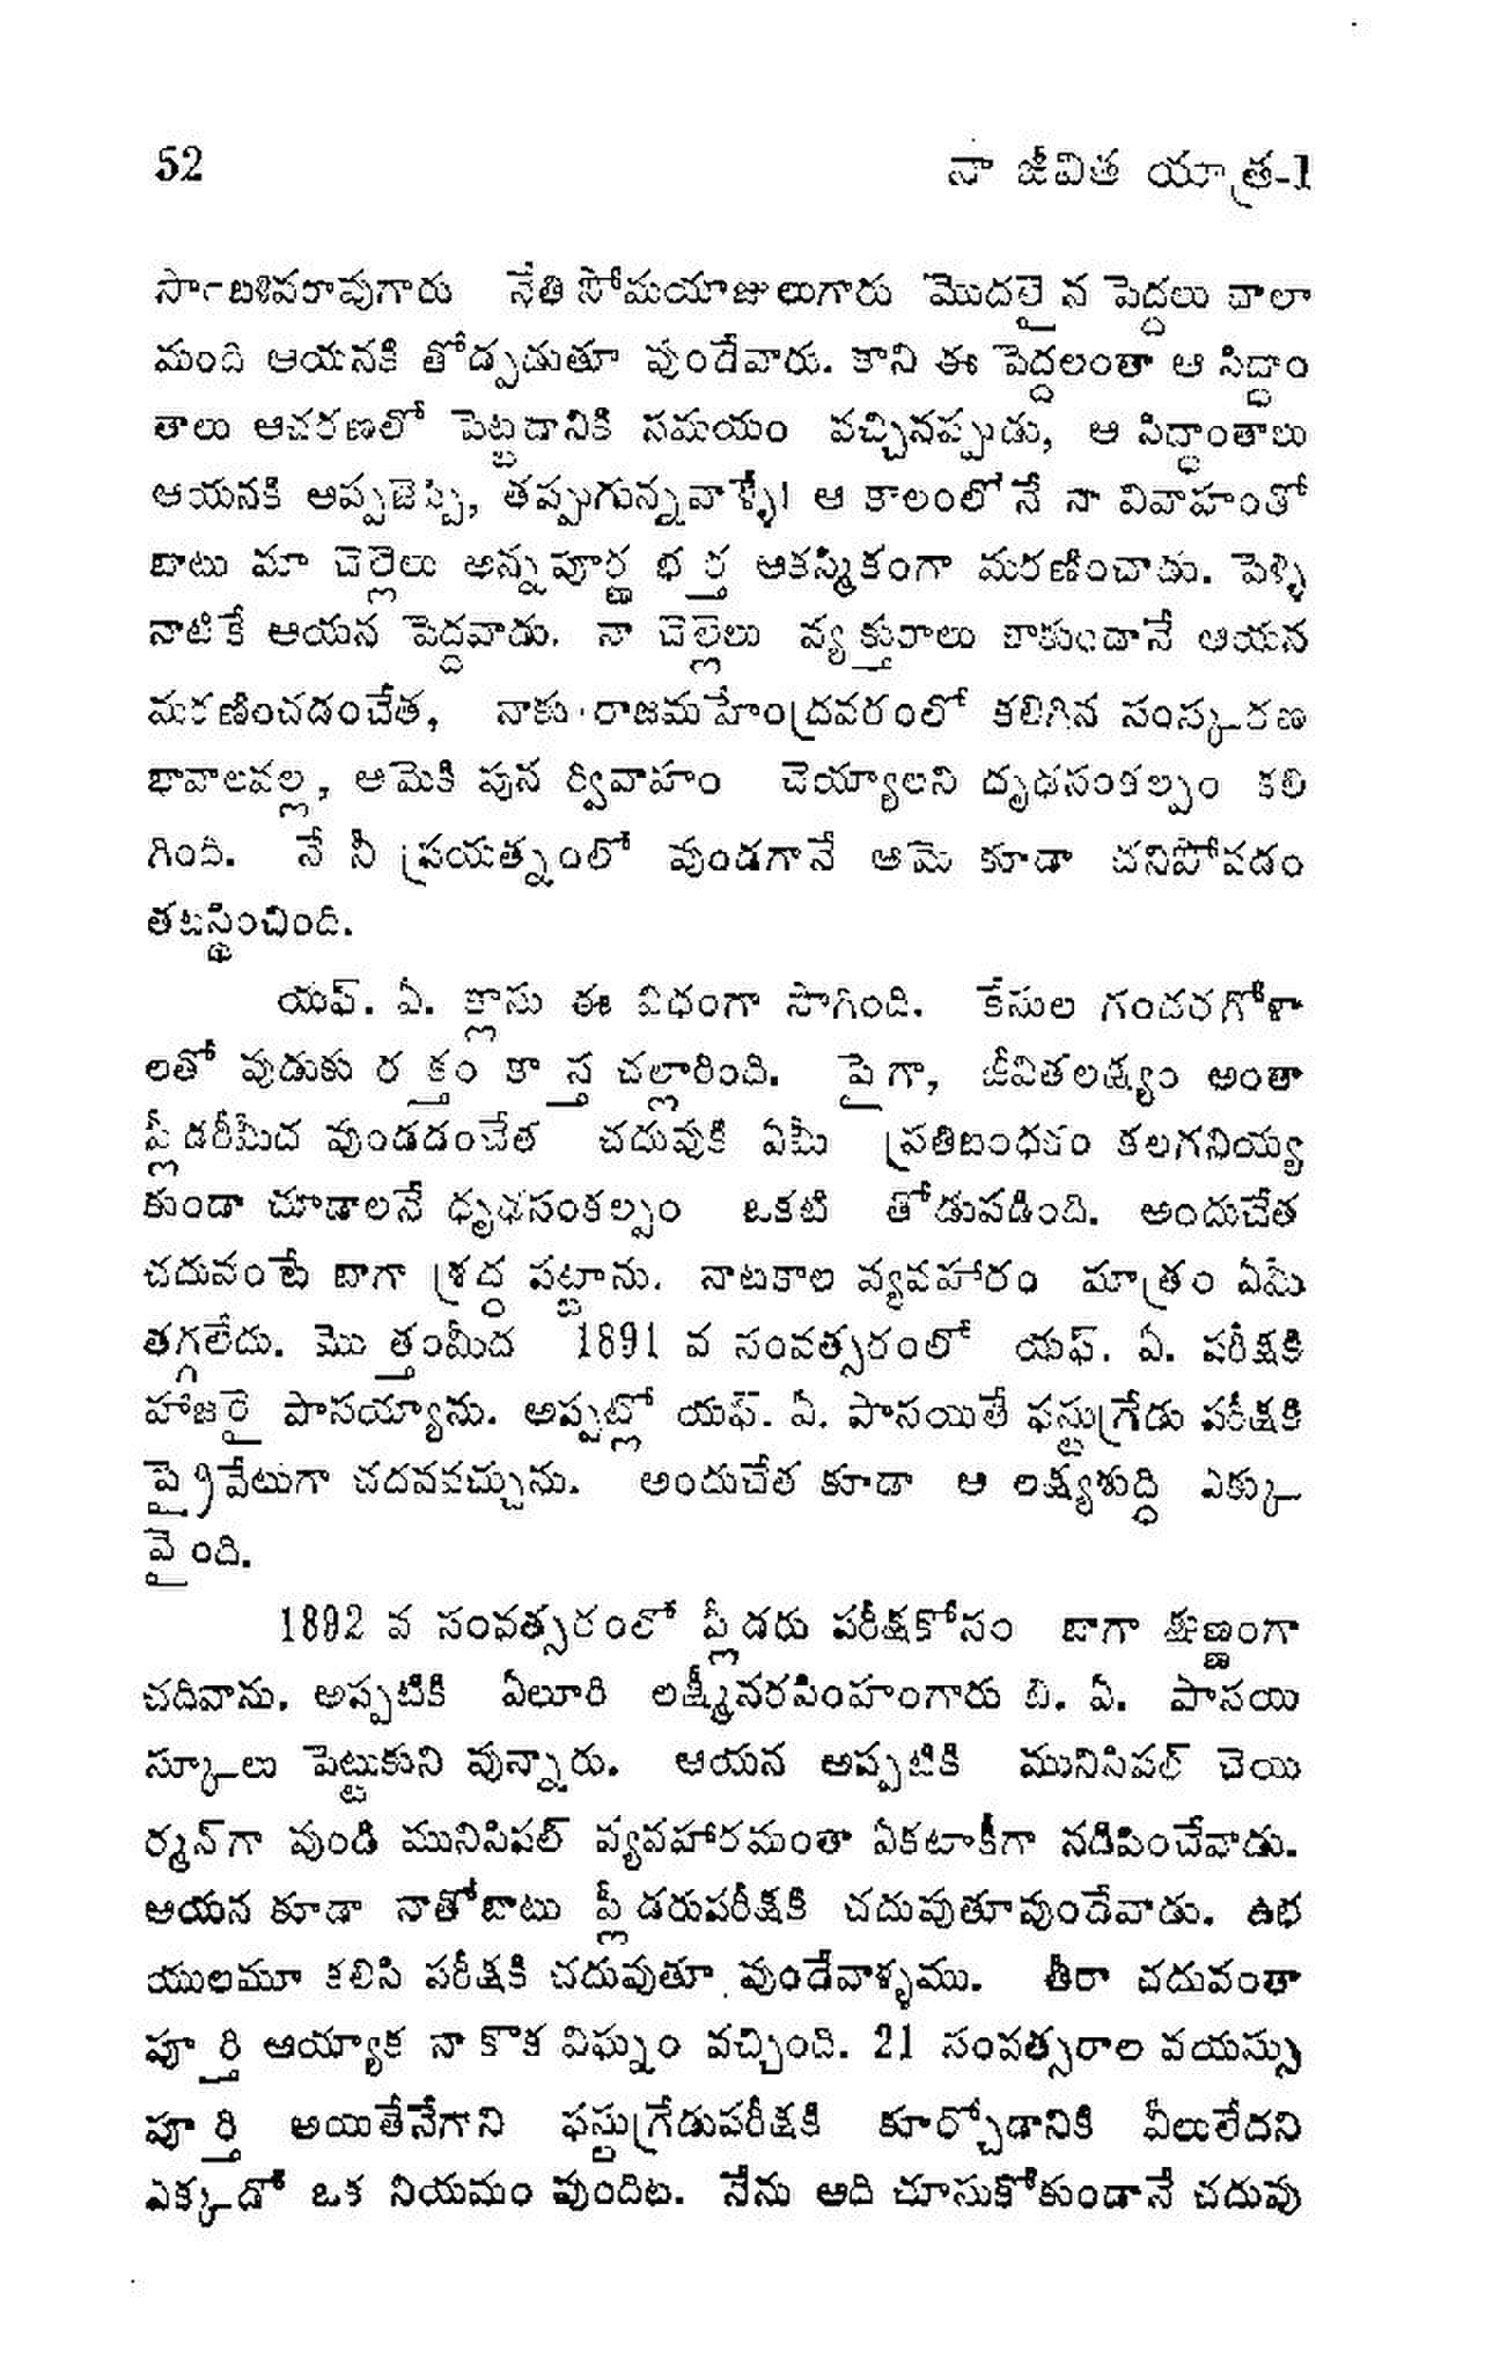సాంబశివరావుగారు నేతి సోమయాజులుగారు మొదలైన పెద్దలు చాలామంది ఆయనకి తోడ్పడుతూ వుండేవారు. కాని ఈ పెద్దలంతా ఆ సిద్ధాంతాలు ఆచరణలో పెట్టడానికి సమయం వచ్చినప్పుడు, ఆ సిద్ధాంతాలు ఆయనకి అప్పజెప్పి, తప్పుగున్నవాళ్ళే! ఆ కాలంలోనే నా వివాహంతో బాటు మా చెల్లెలు అన్నపూర్ణ భర్త ఆకస్మికంగా మరణించాడు. పెళ్ళి నాటికే ఆయన పెద్దవాడు. నా చెల్లెలు వ్యక్తురాలు కాకుండానే ఆయన మరణించడంచేత, నాకు రాజమహేంద్రవరంలో కలిగిన సంస్కరణ భావాల వల్ల, ఆమెకి పున ర్వివాహం చేయ్యాలని దృఢసంకల్పం కలిగింది. నే నీ ప్రయత్నంలో వుండగానే ఆమె కూడా చనిపోవడం తటస్థించింది.

యఫ్.ఏ. క్లాసు ఈ విధంగా సాగింది. కేసుల గందరగోళాలతో వుడుకు రక్తం కాస్త చల్లారింది. పైగా, జీవితలక్ష్యం అంతా ప్లీడరీమీద వుండడంచేత చదువుకి ఏమీ ప్రతిబంధకం కలగనియ్యకుండా చూడాలనే దృఢసంకల్పం ఒకటి తోడుపడింది. అందుచేత చదువంటే బాగా శ్రద్ధ పట్టాను. నాటకాల వ్యవహారం మాత్రం ఏమీ తగ్గలేదు. మొత్తంమీద 1891వ సంవత్సరంలో యఫ్.ఏ. పరీక్షకి హాజరై పాసయ్యాను. అప్పట్లో యఫ్.ఏ.పాసయితే ఫస్టుగ్రేడు పరీక్షకి ప్రైవేటుగా చదవవచ్చును. అందుచేత కూడా ఆ లక్ష్యశుద్ధి ఎక్కువైంది.

1892వ సంవత్సరంలో ప్లీడరు పరీక్ష కోసం బాగా క్షుణ్ణంగా చదివాను. అప్పటికి ఏలూరి లక్ష్మీనరసింహంగారు బి.ఏ. పాసయి స్కూలు పెట్టుకుని వున్నారు. ఆయన అప్పటికి మున్సిపల్ చెయిర్మన్ గా వుండి మునిసిపల్ వ్యవహారమంతా ఏకటాకీగా నడిపించేవారు. ఆయన కూడా నాతోబాటు ప్లీడరుపరీక్షకి చదువుతూవుండేవాడు. ఉభయులమూ కలిసి పరీక్షకి చదువుతూ వుండేవాళ్ళము. తీరా చదువంతా పూర్తి అయ్యాక నాకొక విఘ్నం వచ్చింది. 21 సంవత్సరాల వయస్సు పూర్తి అయితేనేగాని ఫస్టుగ్రేడు పరీక్షకి కూర్చోడానికి వీలులేదని ఎక్కడో ఒక నియమం ఉందిట. నేను అది చూసుకోకుండానే చదువు